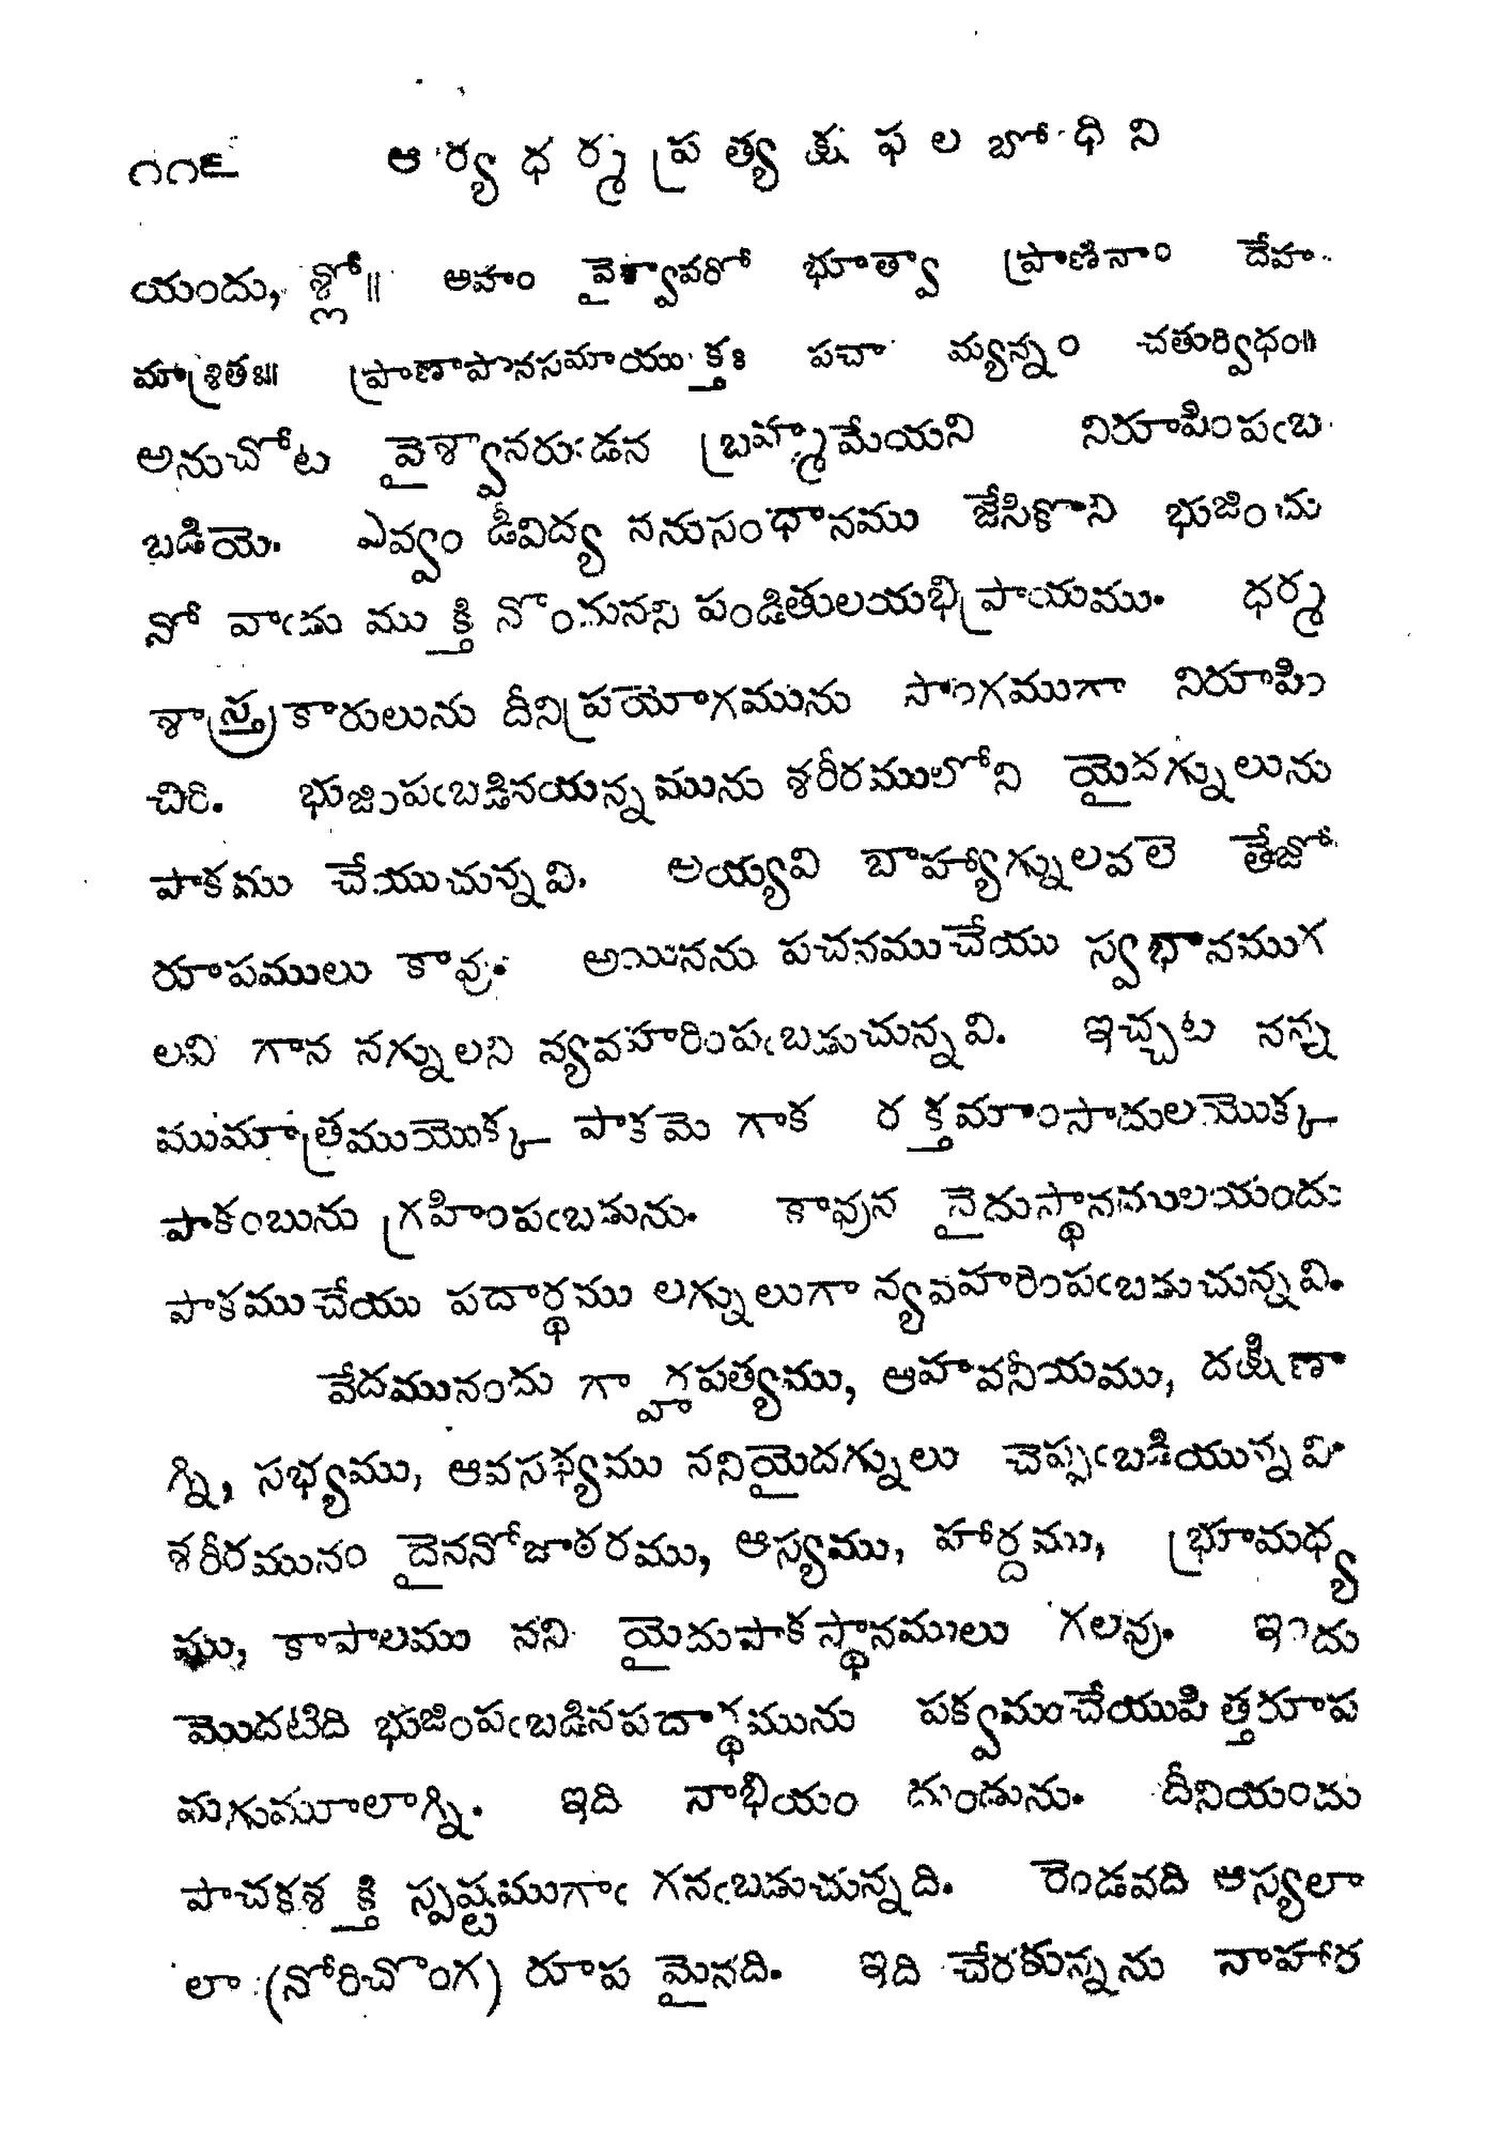యందు, శ్లో॥ అహం వైశ్వావరో భూత్వా ప్రాణినాం దేహ మాశ్రితః॥ ప్రాణాపానసమాయుక్తః పచా మ్యన్నం చతుర్విధం॥ అనుచోట వైశ్వానరుఁడన బ్రహ్మమేయని నిరూపింపఁబడియె. ఎవ్వం డీవిద్య ననుసంధానము జేసికొని భుజించునో వాఁడు ముక్తి నొందునని పండితులయభిప్రాయము. ధర్మశాస్త్రకారులును దీనిప్రయోగమును సాంగముగా నిరూపించిరి. భుజింపఁబడినయన్నమును శరీరములోని యైదగ్నులును
పాకము చేయుచున్నవి. అయ్యవి బాహ్యాగ్నులవలె తేజోరూపములు కావు. అయినను పచనముచేయు స్వభావముగలవి గాన నగ్నులని వ్యవహరింపఁబడుచున్నవి. ఇచ్చట నన్నముమాత్రముయొక్క పాకమె గాక రక్తమాంసాదులయొక్క పాకంబును గ్రహింపఁబడును. కావున నైదుస్థానములయందు పాకముచేయు పదార్థము లగ్నులుగా వ్యవహరింపఁబడుచున్నవి.

వేదమునందు గార్హపత్యము, ఆహవనీయము, దక్షిణాగ్ని, సభ్యము, ఆవసథ్యము ననియైదగ్నులు చెప్పఁబడియున్నవి. శరీరమునం దైననోజాఠరము, ఆస్యము, హార్దము, భ్రూమధ్యము, కాపాలము నని యైదుపాకస్థానములు గలవు. ఇందు మొదటిది భుజింపఁబడినపదార్థమును పక్వముచేయుపిత్తరూపమగు మూలాగ్ని. ఇది నాభియం దుండును. దీనియందు పాచకశక్తి స్పష్టముగాఁ గనఁబడుచున్నది. రెండవది ఆస్యలాలా (నోరిచొంగ) రూప మైనది. ఇది చేరకున్నను నాహార